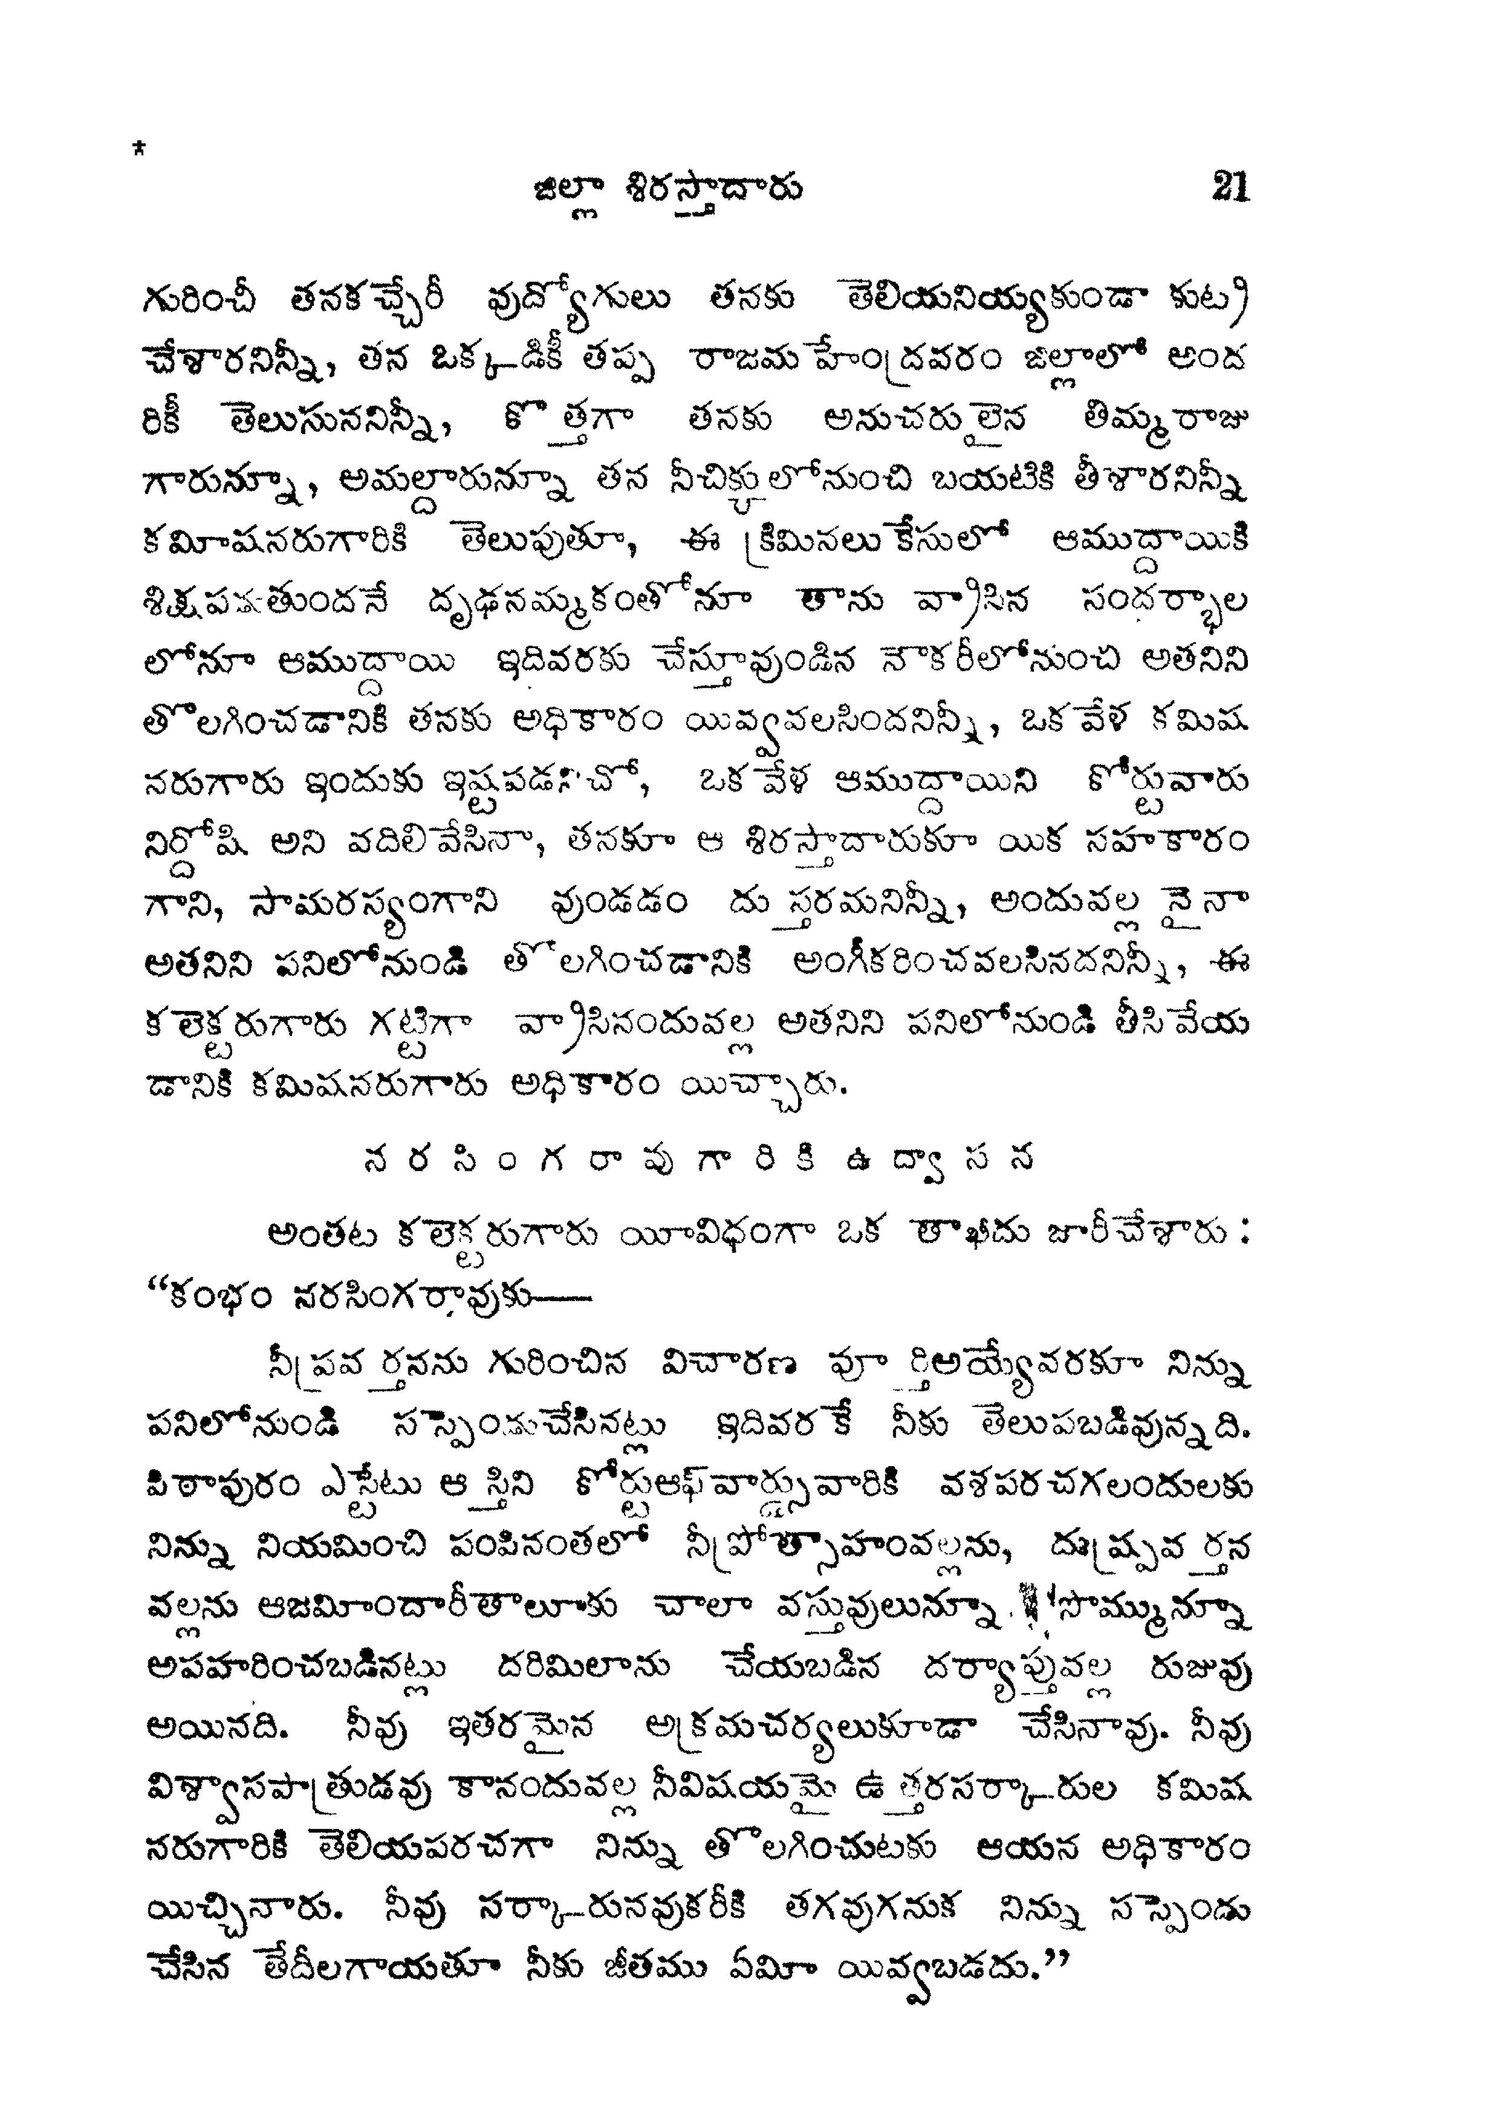గురించీ తనకచ్చేరీ వుద్యోగులు తనకు తెలియనియ్యకుండా కుట్రచేశారనిన్నీ, తనఒక్కడికీ తప్ప రాజమహేంద్రవరం జిల్లాలో అందేదికీ తెలుసుననిన్నీ, కొత్తగా తనకు అనుచరులైన తిమ్మరాజు గారున్నూ, అమల్దారున్నూ తన నీచిక్కు లొనుంచి బయటికి తీసారనిన్నీ కమీషనరుగారికి తెలుపుతూ, ఈ క్రిమినలు కేసులో ఆముద్దాయికి శిక్షపడుతుందనే ధృఢనమ్మకంతోనూ తాను వ్రాసిన సందర్భాలలోనూ ఆముద్దాయి ఇదివరకు చేస్తూవుండిన నౌకరీలోనుంఛి అతనిని తొలగిండానికి తనకు అధికారం యివ్వవలసిందనిన్నీ, ఒకవేళ మమిషరుగారు ఇందుకు ఇష్టడనిచో, ఒకవేళ ముద్దాయిని కోర్టువారు నిర్దోషి అని వదలివేసినా, తనకూ ఆ శిరస్తాదారునూ యిక సహకారం గాని, సామరస్యంగాని వుండడం దుస్తరమనిన్నీ, అందువల్లనైనా అతనిని పనిలోనుండి తొలగించడానికి అంగీకరించవలసినదనిన్నీ, ఈ కలెక్టరుగారు గట్టిగా వ్రాసినందువల్ల అతనిని పనిలోనుండి తీసివేయడానికి కమిషనరుగారు అధికారం యిచ్చారు.
 

అంతట కలెక్టరుగారు యీవిధంగా ఒక తాఖీదు జారీచేశారు:

"కంభం నరసింగరావుకు---

నీప్రవర్తనను గురించిన విచారణ పూర్తిఅయ్యేవరకూ నిన్ను పనిలోనుండి సస్పండుచేసినట్లు ఇదివరకే నీకు తెలుపబడివున్నది. పిఠాపురం ఎస్టేటు ఆస్తిని కోర్టుఆఫ్ వార్డ్సువారికి వశపరచగలందులకు నిన్ని నియమించి పంపినంతలో నీ ప్రోత్సాహంవల్లను, దుష్ప్రవర్తన వల్లను ఆజమీందారీతాలూకు చాలా వస్తువులున్నూ సొమ్మున్నూ అపహరించబడినట్లు దరిమిలాను చేయబడిన దర్యాప్తువల్ల రుజువు అయినది. నీవు ఇతరమైన అక్రమచర్యలుకూడా చేసినావు. నీవు విశ్వాసపాత్రుడవు కానందువల్ల నీవిషయమై ఉత్తరసర్కారుల కమిషనరు గారికీ తెలియపరచగా నిన్ను తొలగించుటకు ఆయన అధికారం యిచ్చిన్మారు. నీవు సర్కారునవకరీకి తగవుగనుక నిన్ను సస్పెండు చేసిన తేదీలగాయతూ నీకు జీతము ఏమీ యివ్వబడరు."